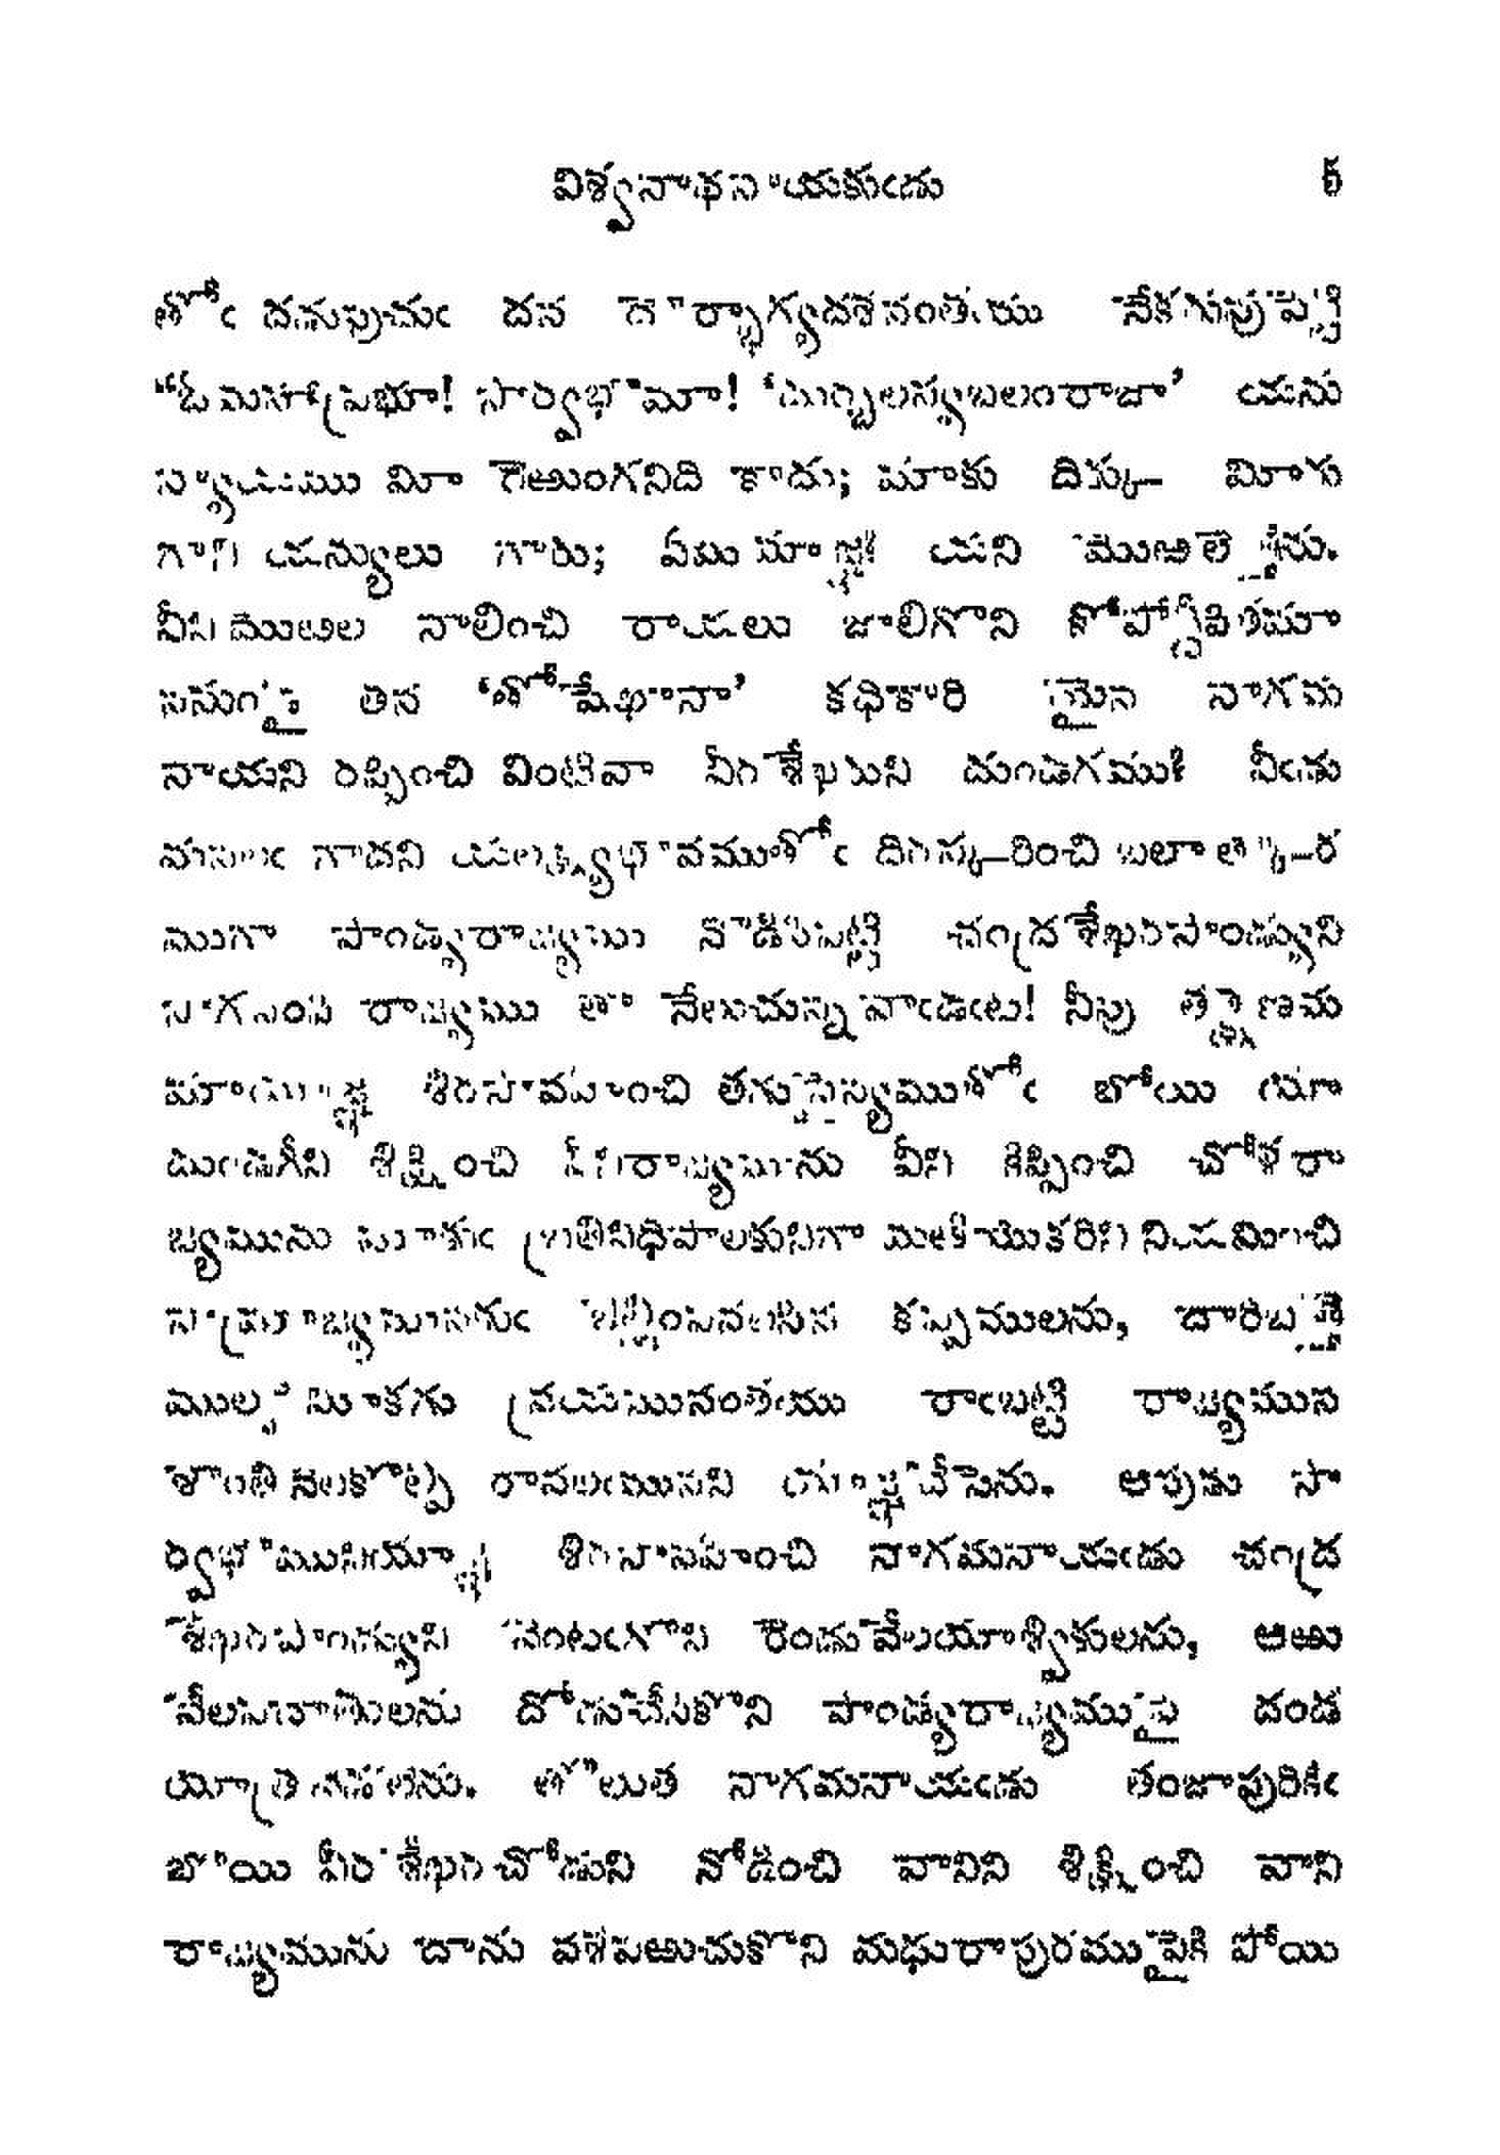తోఁ దడుపుచుఁ దన దౌర్భాగ్యదశనంతయు నేకరువుపెట్టి "ఓమహాప్రభూ! సార్వభౌమా! 'దుర్బలస్యబలంరాజా' యను న్యాయము మీ రెఱుంగనిది కాదు; మాకు దిక్కు మీరు గాని యన్యులు గారు; ఏమియాజ్ఞ? యని మొఱలెత్తెను. వీని మెఱల నాలించి రాయలు జాలిగొని కోపోద్దీపితమానసుండై తన 'తోషేఖానా' కధికారి యైన నాగమనాయని రప్పించి వింటివా వీరశేఖరుని దుండగము? వీఁడు మనలఁ గాదని యలక్ష్యభావముతోఁ దిరస్కరించి బలాత్కారముగా పాండ్యరాజ్యము నొడిసిపెట్టి చంద్రశేఖరపాండ్యుని సాగనంపి రాజ్యము నేలుచున్నవాఁడఁట! నీవు తత్క్షణము మాయాజ్ఞ శిరసావహించి తగుసైన్యముతోఁ బోయి యా దుండగీని శిక్షించి వీనిరాజ్యమును వీని కిప్పించి చోళరాజ్యమును మాకుఁ బ్రతినిధిపాలకునిగా మఱియొకరిని నియమించి సామ్రాజ్యమునకుఁ జెల్లింపవలసిన కప్పములను, దారిబత్తెముల మీకగుఁ వ్రయమునంతయు రాఁబట్టి రాజ్యమున శాంతినెలకొల్పి రావలయునని యాజ్ఞచేసెను. అపుడు సార్వభౌమునియాజ్ఞ శిరసావహించి నాగమనాయఁడు చంద్రశేఖరపాండ్యుని వెంటఁగొని రెండువేలయాశ్వికులను, ఆఱువేలపదాతులను దోడుచేసికొని పాండ్యరాజ్యముపై దండయాత్ర వెడలెను. తొలుత నాగమనాయఁడు తంజూవూరికిఁ బోయి వీరశేఖర చోడుని నోడించి వానిని శిక్షించి వాని రాజ్యమును దాను వశపఱుచుకొని మధురాపురముపైకి పోయి